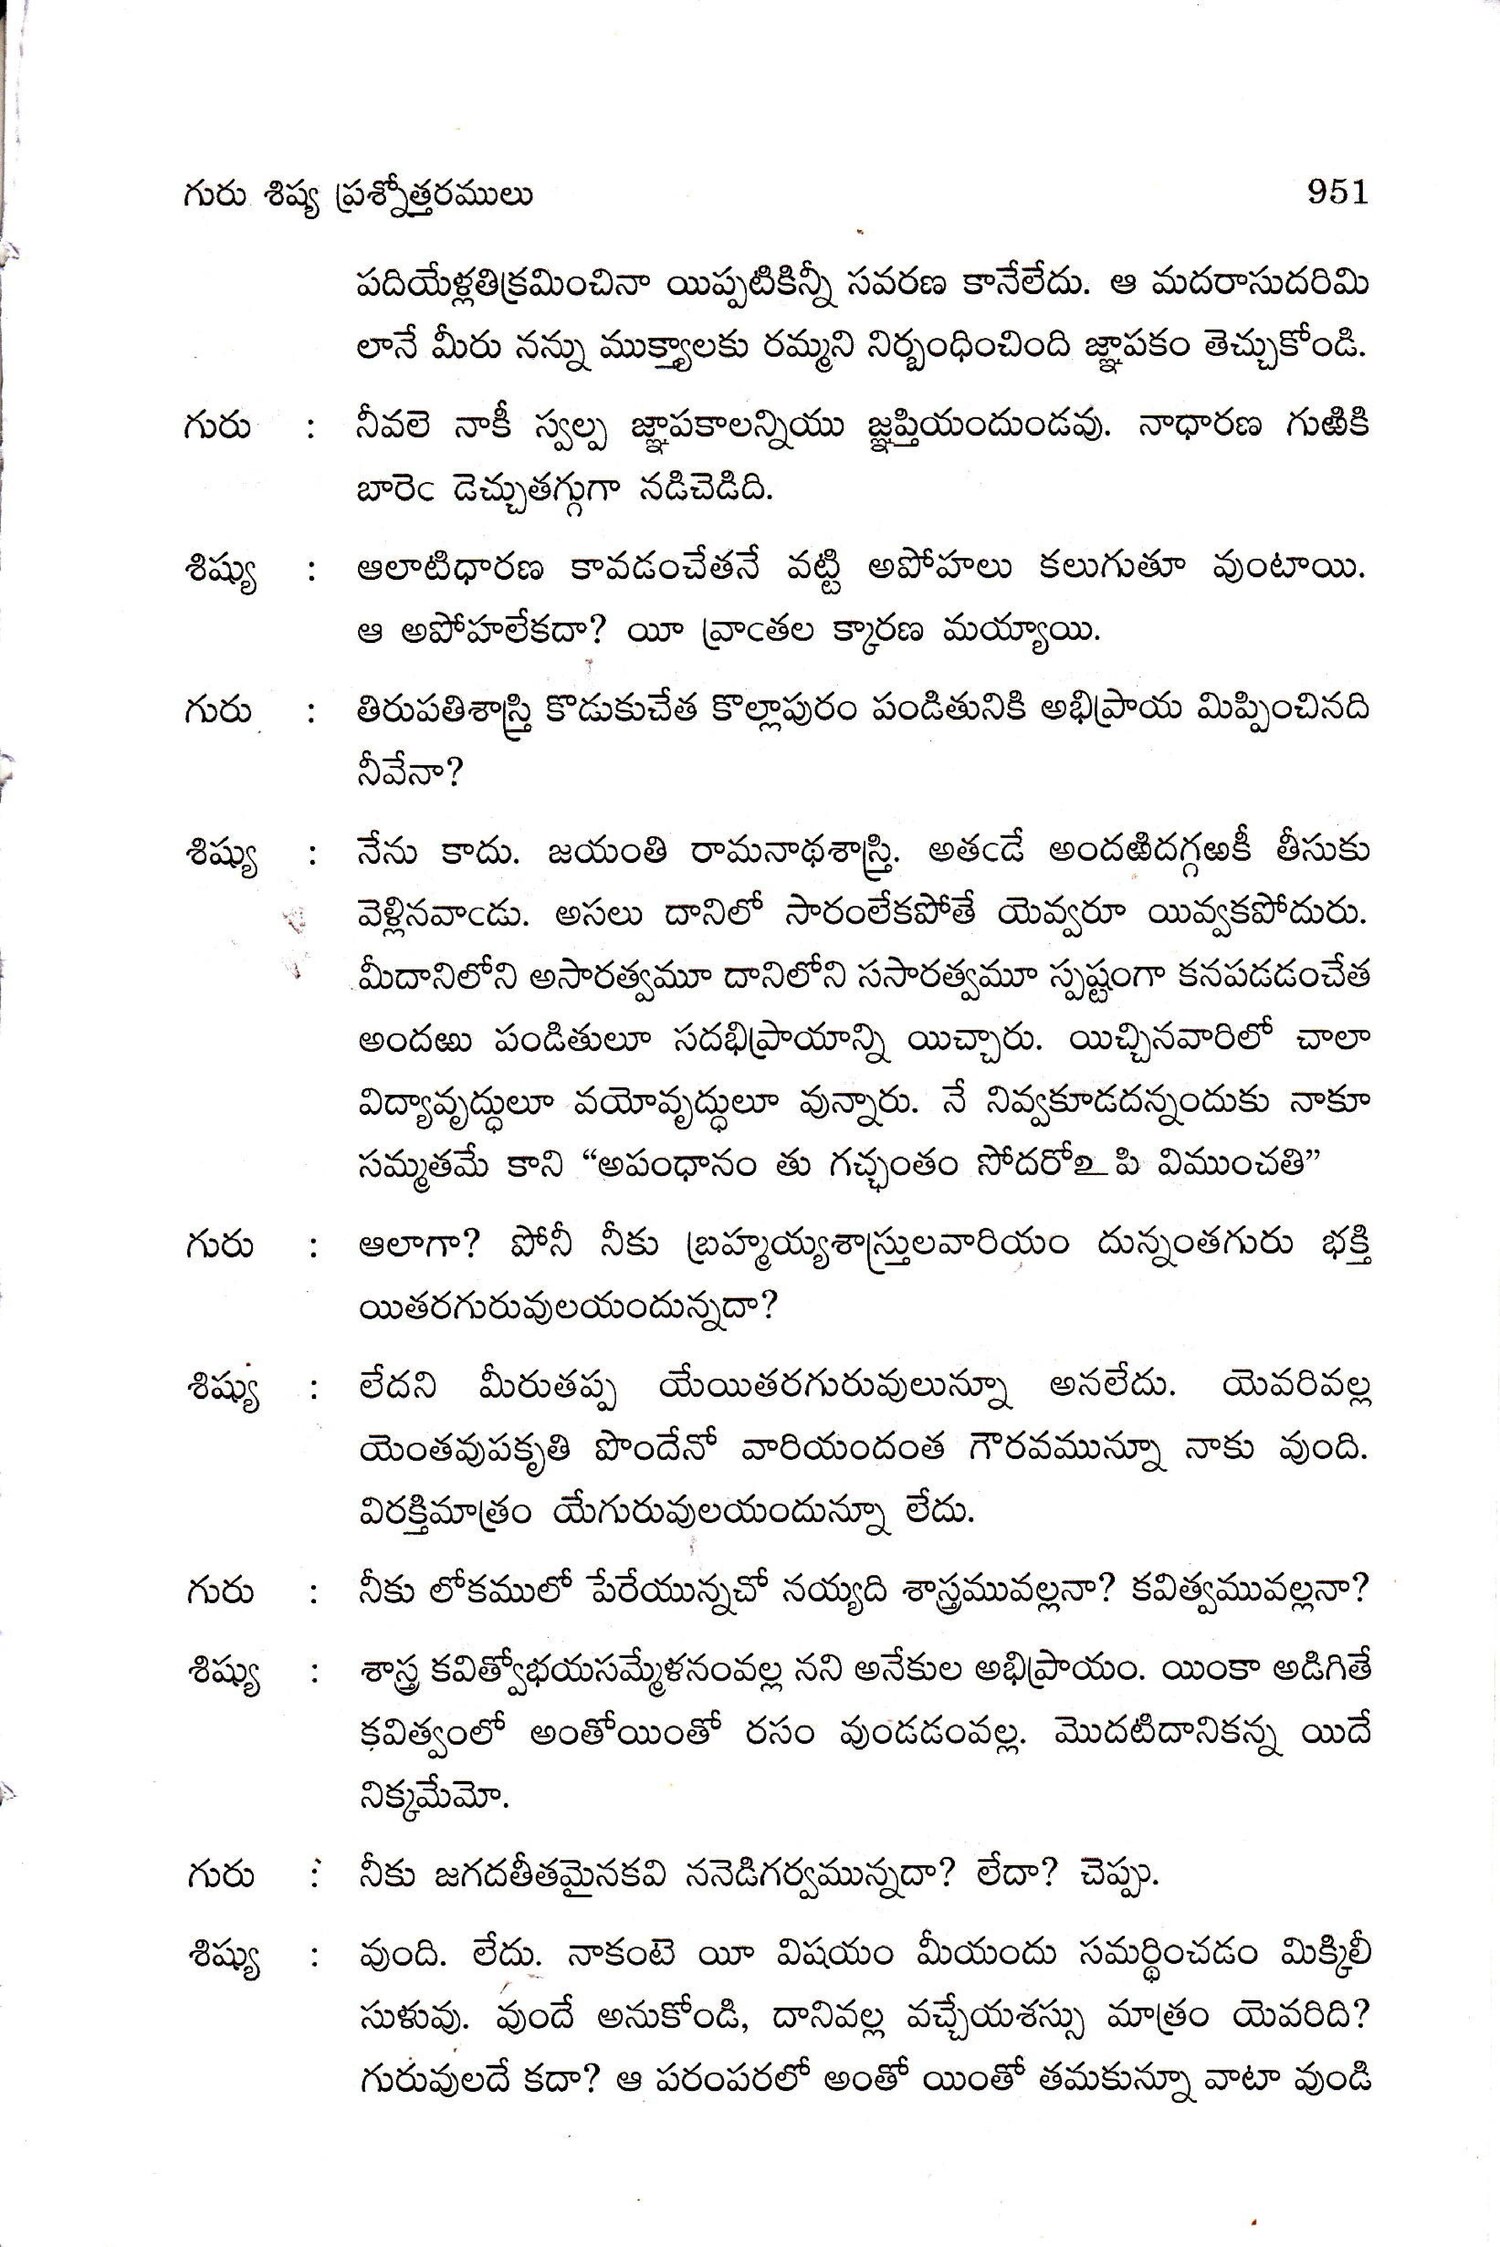పదియేళ్లతిక్రమించినా యిప్పటికిన్నీ సవరణ కానేలేదు. ఆ మదరాసుదరిమిలానే మీరు నన్ను ముక్త్యాలకు రమ్మని నిర్బంధించింది జ్ఞాపకం తెచ్చుకోండి.

గురు : నీవలె నాకీ స్వల్ప జ్ఞాపకాలన్నియు జ్ఞప్తియందుండవు. నాధారణ గుఱికి బారెఁ డెచ్చుతగ్గుగా నడిచెడిది.

శిష్యు : ఆలాటిధారణ కావడంచేతనే వట్టి అపోహలు కలుగుతూ వుంటాయి. ఆ అపోహలేకదా? యీ వ్రాఁతల క్కారణ మయ్యాయి.

గురు : తిరుపతిశాస్త్రి కొడుకుచేత కొల్లాపురం పండితునికి అభిప్రాయ మిప్పించినది నీవేనా? 

శిష్యు : నేను కాదు. జయంతి రామనాథశాస్త్రి. అతఁడే అందఱిదగ్గఱకీ తీసుకు వెళ్లినవాఁడు. అసలు దానిలో సారంలేకపోతే యెవ్వరూ యివ్వకపోదురు. మీదానిలోని అసారత్వమూ దానిలోని ససారత్వమూ స్పష్టంగా కనపడడంచేత అందఱు పండితులూ సదభిప్రాయాన్ని యిచ్చారు. యిచ్చినవారిలో చాలా విద్యావృద్దులూ వయోవృద్దులూ వున్నారు. నే నివ్వకూడదన్నందుకు నాకూ సమ్మతమే కాని “అపంధానం తు గచ్ఛంతం సోదరో౽పి విముంచతి"

గురు : ఆలాగా? పోనీ నీకు బ్రహ్మయ్యశాస్త్రులవారియం దున్నంతగురు భక్తి యితరగురువులయందున్నదా? 

శిష్యు : లేదని మీరుతప్ప యేయితరగురువులున్నూ అనలేదు. యెవరివల్ల యెంతవుపకృతి పొందేనో వారియందంత గౌరవమున్నూ నాకు వుంది. విరక్తిమాత్రం యేగురువులయందున్నూ లేదు. 

గురు : నీకు లోకములో పేరేయున్నచో నయ్యది శాస్త్రమువల్లనా? కవిత్వమువల్లనా?

శిష్యు : శాస్త్ర కవిత్వోభయసమ్మేళనంవల్ల నని అనేకుల అభిప్రాయం. యింకా అడిగితే కవిత్వంలో అంతోయింతో రసం వుండడంవల్ల, మొదటిదానికన్న యిదే నిక్కమేమో.

గురు : నీకు జగదతీతమైనకవి ననెడిగర్వమున్నదా? లేదా? చెప్పు.

శిష్యు : వుంది. లేదు. నాకంటె యీ విషయం మీయందు సమర్ధించడం మిక్కిలీ సుళువు. వుందే అనుకోండి, దానివల్ల వచ్చేయశస్సు మాత్రం యెవరిది? గురువులదే కదా? ఆ పరంపరలో అంతో యింతో తమకున్నూ వాటా వుండి